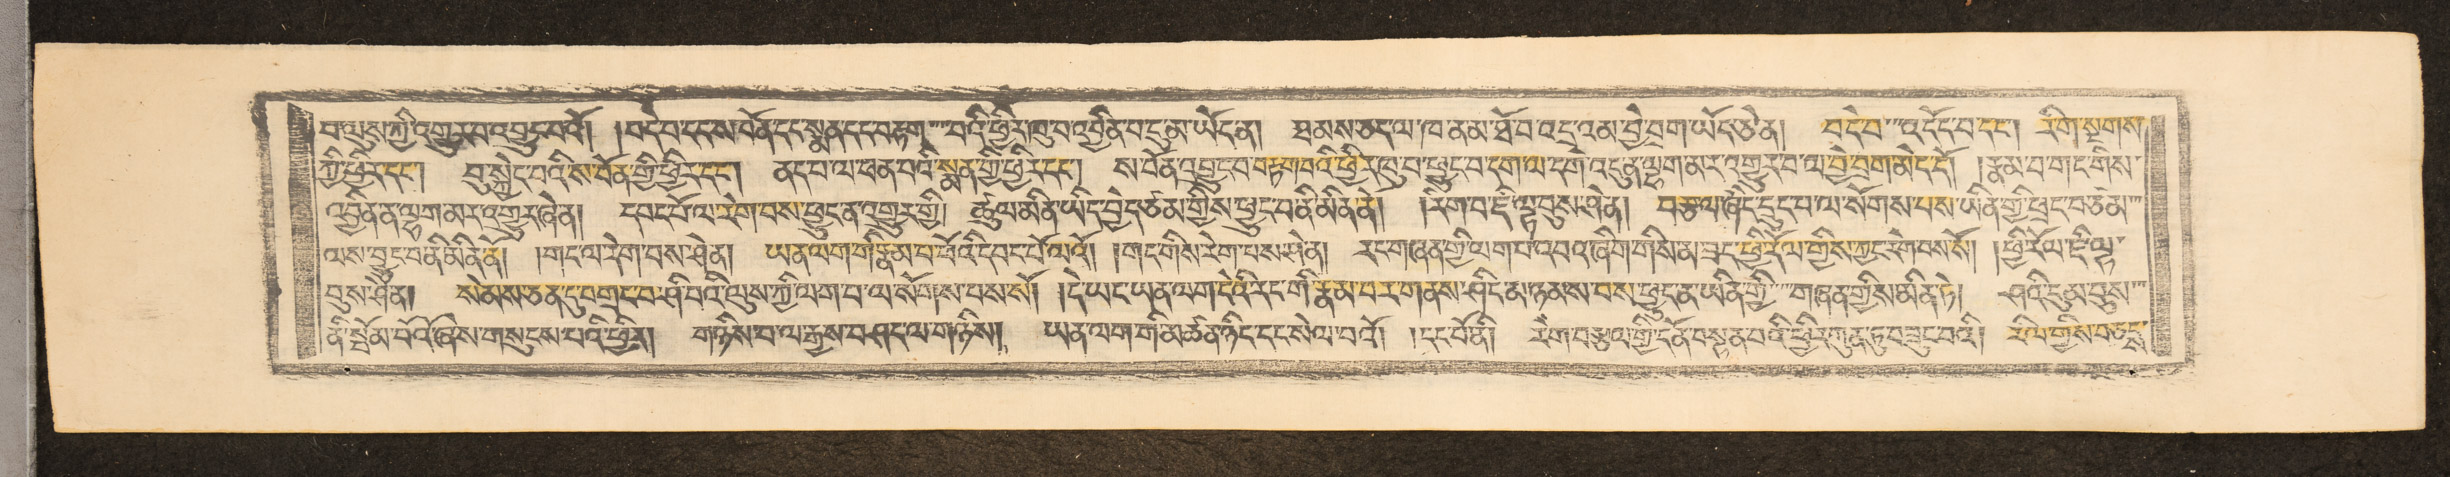པ་ལུས་ཀྱི་འགྱུར་བ་འབྱུང་བའོ། །བདེ་བ་དང་ས་བོན་དང་སྨན་དང་བརྟག་པའི་ཕྱིར་ཁུ་བ་འབྱིན་པ་དུ་མ་ཡོད་ན། ཐམས་ཅད་ལ་ཁ་ན་མ་ཐོ་བ་འདྲ་འམ་བྱེ་བྲག་ཡོད་ཅེ་ན། བདེ་བ་འདོད་པ་དང་། རིག་སྔགས་
ཀྱི་ཕྱིར་དང་། བུ་སྐྱེད་པའི་ས་བོན་གྱི་ཕྱིར་དང་། ནད་པ་ལ་ཕན་པའི་སྨན་གྱི་ཕྱིར་དང་། ས་བོན་འབྱུང་བ་བརྟག་པའི་ཕྱིར་ཁུ་བ་ཕྱུང་བ་དག་ལ་དགེ་འདུན་ལྷག་མར་འགྱུར་བ་ལ་བྱེ་བྲག་མེད་དོ། །རྣམ་པ་གང་གིས་
འབྱིན་ན་ལྷག་མར་འགྱུར་ཞེ་ན། དབང་པོ་ལ་རེག་པས་ཕྱུང་ན་འགྱུར་གྱི། ཚུལ་མིན་ཡིད་བྱེད་ཙམ་གྱིས་ཕྱུང་བ་ནི་མིན་ནོ། །རེག་པ་ཇི་ལྟ་བུས་ཤེ་ན། བརྩལ་ཞིང་དྲུད་པ་ལ་སོགས་པས་ཡིན་གྱི་ཕྲད་པ་ཙམ་
ལས་བྱུང་བ་ནི་མིན་ནོ། །གང་ལ་རེག་པས་ཤེ་ན། ཡན་ལག་གི་རྣམ་པ་ཕོའི་དབང་པོ་ལའོ། །གང་གིས་རེག་པས་ཤེ་ན། རང་གཞན་གྱི་ལག་པ་འབའ་ཞིག་གིས་མ་ཟད་ཕྱི་རོལ་གྱིས་ཀྱང་རེག་པས་སོ། །ཕྱི་རོལ་ཇི་ལྟ་
བུས་ཤེ་ན། སེམས་ཅན་དུ་བགྲང་བ་ཤི་བའི་ལུས་ཀྱི་ལག་པ་ལ་སོགས་པས་སོ། །དེ་ཡང་ཡན་ལག་དེའི་རང་གི་རྣམ་པར་གནས་ཤིང་མ་ཉམས་པས་ཕྱུང་ན་ཡིན་གྱི་གཞན་གྱིས་མིན་ཏེ། ཤའི་དུ་མ་བུས་
ནི་སྦོམ་པའོ་ཞེས་གསུངས་པའི་ཕྱིར། གཉིས་པ་ལ་རྒྱས་བཤད་ལ་གཉིས། ཡན་ལག་གི་མཚན་ཉིད་དང་སེལ་པའོ། །དང་པོ་ནི། རེག་བརྩལ་གྱི་དོན་བསྟན་པའི་ཕྱིར་ཀུན་ཏུ་བཟུང་བའི། རིལ་གྱིས་བཅངས་